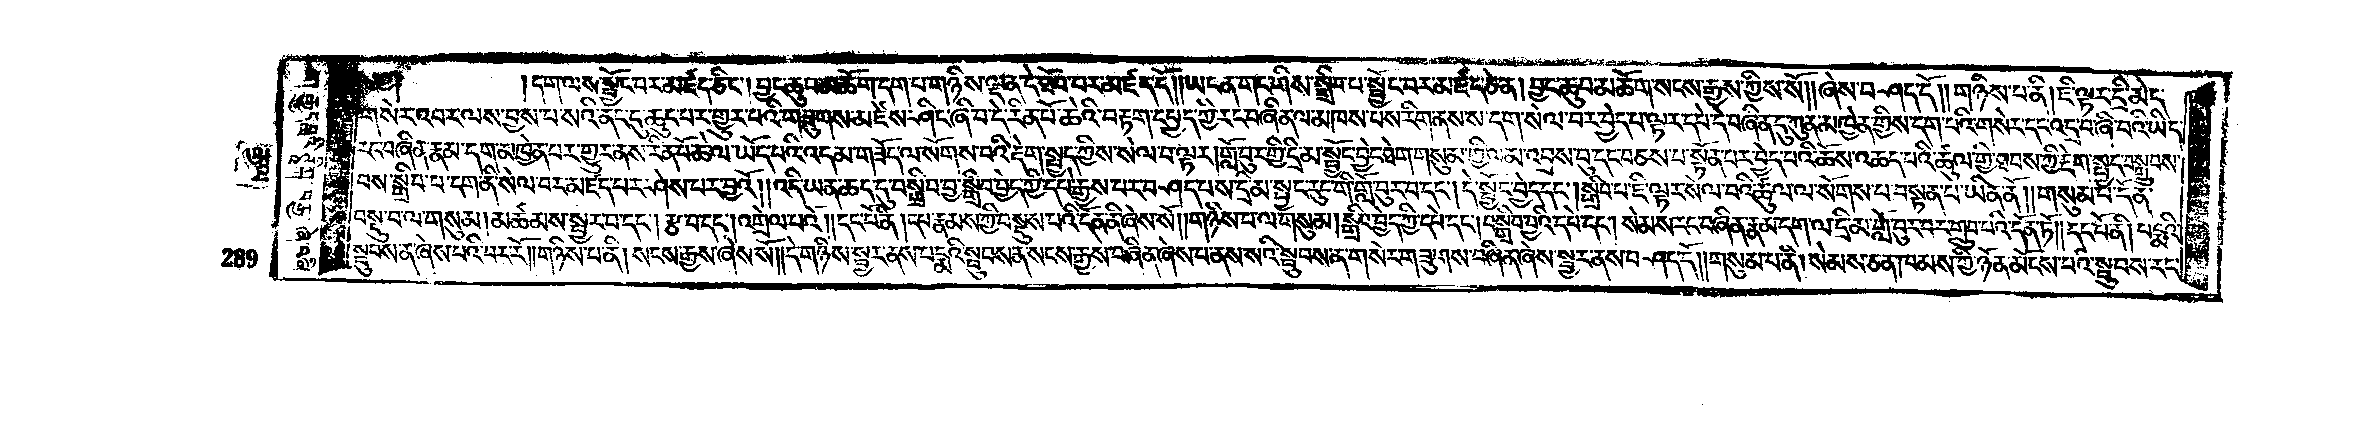༄༅། །དག་ལས་སྦྱོང་བར་མཛད་ཅིང་། བྱང་ཆུབ་མཆོག་དག་པ་གཉིས་ལྡན་དེ་ཐོབ་པར་མཛད་དོ། །ཡང་ན་གང་གིས་སྒྲིབ་པ་སྦྱོང་བར་མཛད་ཅེ་ན། བྱང་ཆུབ་མཆོག་སངས་རྒྱས་ཀྱིས་སོ། །ཞེས་བཤད་དོ། །གཉིས་པ་ནི། ཇི་ལྟར་དྲི་མེད་
གསེར་འབར་ལས་བྱས་པ་སའི་ནང་དུ་ཆུད་པར་གྱུར་པའི་གཟུགས་མཛེས་ཤིང་ཞི་བ་དེ་རིན་པོ་ཆེའི་བརྟག་དཔྱད་ཀྱི་རང་བཞིན་ལ་མཁས་པས་རིག་ནས་ས་དག་སེལ་པར་བྱེད་པ་ལྟར་དཔེ་དེ་བཞིན་དུ་ཀུན་མཁྱེན་གྱིས་དག་པའི་གསེར་དང་འདྲ་བ་ཞི་བའི་ཡིད་
རང་བཞིན་རྣམ་དག་མཁྱེན་པར་གྱུར་ནས་རིན་པོ་ཆེ་ལ་ཡོད་པའི་འདམ་གཟོད་ལ་སོགས་པའི་རྡེག་སྤྱད་ཀྱིས་སེལ་བ་ལྟར། གློ་བུར་གྱི་དྲི་མ་སྦྱོང་བྱེད་ཐེག་གསུམ་གྱི་ལམ་འབྲས་བུ་དང་བཅས་པ་སྟོན་པར་བྱེད་པའི་ཆོས་འཆད་པའི་ཚུལ་གྱི་ཐབས་ཀྱི་རྡེག་སྤྱད་བསྒྲུབས་
པས་སྒྲིབ་པ་དག་ནི་སེལ་བར་མཛད་པར་ཤེས་པར་བྱའོ། །འདི་ཡན་ཆད་དུ་བསྒྲིབ་བྱ་སྒྲིབ་བྱེད་ཀྱི་དཔེ་རྒྱས་པར་བཤད་པས་དྲི་མ་སྤྱད་རུང་གི་གློ་བུར་བ་དང་། དེ་སྦྱོང་བྱེད་དང་། སྒྲིབ་པ་ཇི་ལྟར་སེལ་བའི་ཚུལ་ལ་སོགས་པ་བསྟན་པ་ཡིན་ནོ། །གསུམ་པ་དོན་
བསྡུ་བ་ལ་གསུམ། མཚམས་སྦྱར་བ་དང་། རྩ་བ་དང་། འགྲེལ་པའོ། །དང་པོ་ནི། དཔེ་རྣམས་ཀྱི་བསྡུས་པའི་དོན་ནི་ཞེས་སོ། །གཉིས་པ་ལ་གསུམ། སྒྲིབ་བྱེད་ཀྱི་དཔེ་དང་། བསྒྲིབ་བྱའི་དཔེ་དང་། སེམས་རང་བཞིན་རྣམ་དག་ལ་དྲི་མ་གློ་བུར་བར་གྲུབ་པའི་དོན་ཏོ། །དང་པོ་ནི། པདམའི་
སྦུབས་ན་ཞེས་པའི་བར་རོ། །གཉིས་པ་ནི། སངས་རྒྱས་ཞེས་སོ། །དེ་གཉིས་སྦྱར་ནས་པདམའི་སྦུབས་ན་སངས་རྒྱས་བཞིན་ཞེས་པ་ནས་སའི་སྦུབས་ན་གསེར་གཟུགས་བཞིན་ཞེས་སྦྱར་ནས་བཤད་དོ། །གསུམ་པ་ནི། སེམས་ཅན་ཁམས་ཀྱི་ཉོན་མོངས་པའི་སྦུབས་རང་